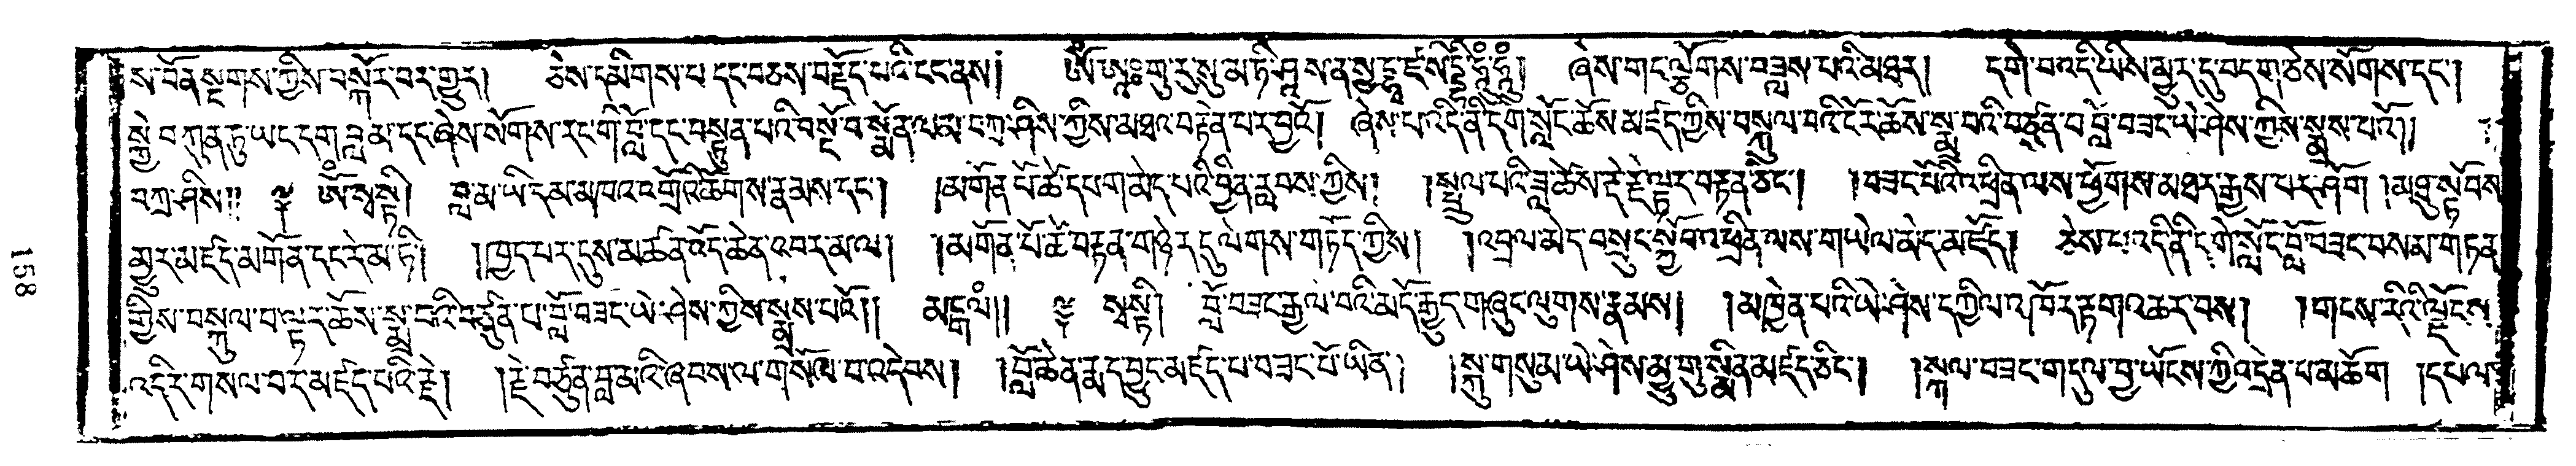ས་བོན་སྔགས་ཀྱིས་བསྐོར་བར་གྱུར། ཅེས་དམིགས་པ་དང་བཅས་བརྗོད་པའི་ངང་ནས། ཨོཾ་ཨཱཿ གུ་རུ་སུ་མ་ཏི་ཤཱ་ས་ན་སྱ་དྷྭ་ཛ་སིདྡྷི་ཧཱུཾ་ཧཱུཾ། ཞེས་གང་ལྕོགས་བཟླས་པའི་མཐར། དགེ་བ་འདི་ཡིས་མྱུར་དུ་བདག་ཅེས་སོགས་དང་།
སྐྱེ་བ་ཀུན་ཏུ་ཡང་དག་བླ་མ་དང་ཞེས་སོགས་རང་གི་བློ་དང་བསྟུན་པའི་བསྔོ་བ་སྨོན་ལམ་བཀྲ་ཤིས་ཀྱིས་མཐའ་བརྟེན་པར་བྱའོ། ཞེས་པ་འདི་ནི་དགེ་སློང་ཆོས་མཛད་ཀྱིས་བསྐུལ་བའི་ངོར་ཆོས་སྨྲ་བའི་བཙུན་པ་བློ་བཟང་ཡེ་ཤེས་ཀྱིས་སྨྲས་པའོ།། །།
བཀྲ་ཤིས།། ༈ ཨོཾ་སྭ་སྟི། བླ་མ་ཡི་དམ་མཁའ་འགྲོའི་ཚོགས་རྣམས་དང་། །མགོན་པོ་ཚེ་དཔག་མེད་པའི་བྱིན་རླབས་ཀྱིས། །སྤྲུལ་པའི་ཟླ་ཚེས་རྡོ་རྗེ་ལྟར་བརྟན་ཅིང་། །བཟང་པོའི་འཕྲིན་ལས་ཕྱོགས་མཐར་རྒྱས་པར་ཤོག །མཐུ་སྟོབས་
མྱུར་མཛད་མགོན་དང་རེ་མ་ཏི། །ཁྱད་པར་དུས་མཚན་འོད་ཆེན་འབར་མ་ལ། །མགོན་པོ་ཚེ་བརྟན་གཉེར་དུ་ལེགས་གཏོད་ཀྱིས། །འབྲལ་མེད་བསྲུང་སྐྱོབ་འཕྲིན་ལས་གཡེལ་མེད་མཛོད། ཅེས་པ་འདི་ནི་དགེ་སློང་བློ་བཟང་བསམ་གཏན་
གྱིས་བསྐུལ་བ་ལྟར་ཆོས་སྨྲ་བའི་བཙུན་པ་བློ་བཟང་ཡེ་ཤེས་ཀྱིས་སྨྲས་པའོ།། མངྒལཾ།། ༈ སྭསྟི། བློ་བཟང་རྒྱལ་བའི་མདོ་རྒྱུད་གཞུང་ལུགས་རྣམས། །མཁྱེན་པའི་ཡེ་ཤེས་དཀྱིལ་འཁོར་རྟག་འཆར་བས། །གངས་རིའི་ལྗོངས་
འདིར་གསལ་བར་མཛད་པའི་རྗེ། །རྗེ་བཙུན་བླ་མའི་ཞབས་ལ་གསོལ་བ་འདེབས། །བློ་ཆེན་རྨད་བྱུང་མཛད་པ་བཟང་པོ་ཡིན། །སྐུ་གསུམ་ཡེ་ཤེས་མྱུ་གུ་སྨིན་མཛད་ཅིང་། །སྐལ་བཟང་གདུལ་བྱ་ཡོངས་ཀྱི་འདྲེན་པ་མཆོག །དཔལ་